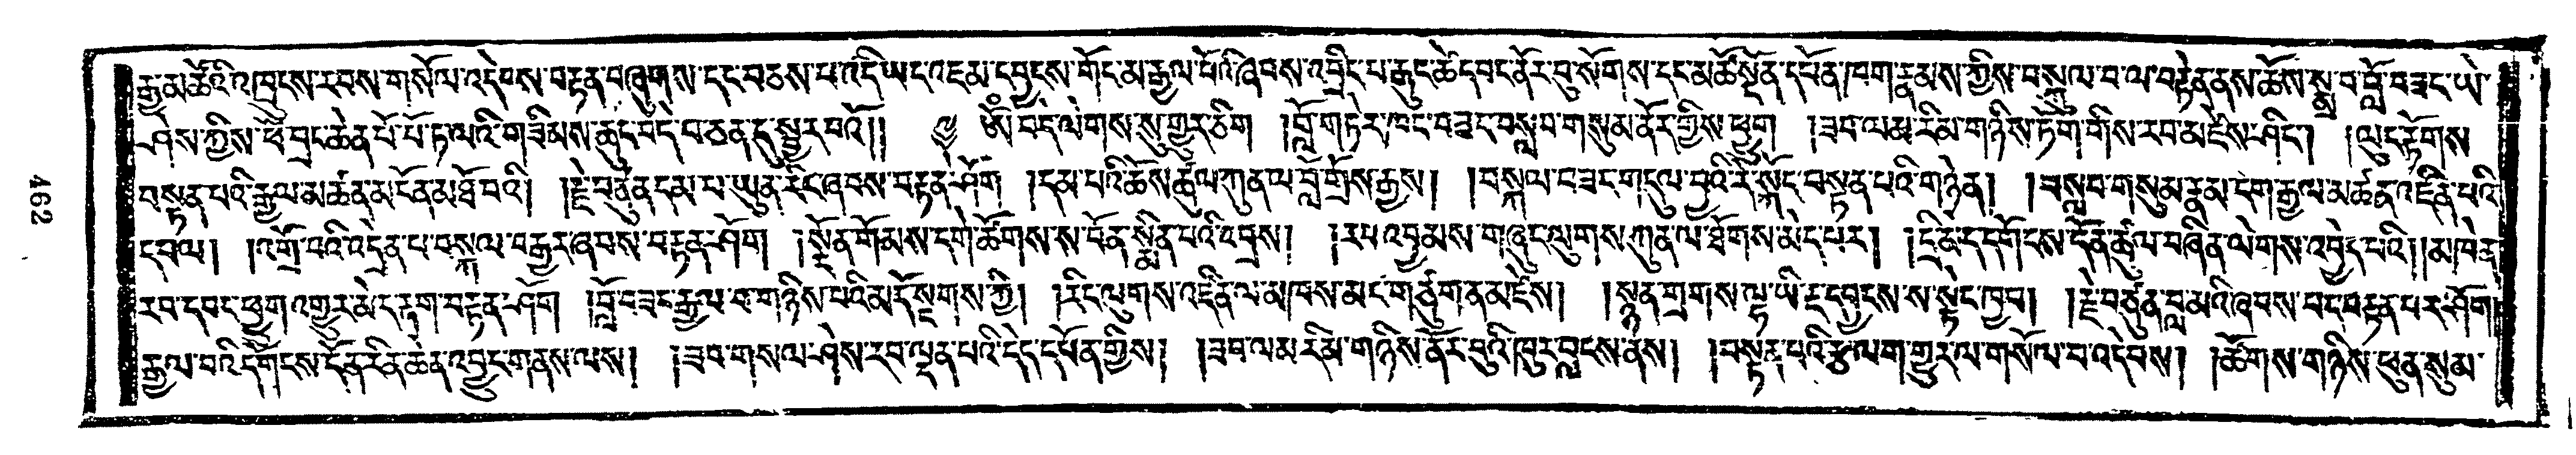རྒྱ་མཚོའི་འཁྲུངས་རབས་གསོལ་འདེབས་བརྟན་བཞུགས་དང་བཅས་པ་འདི་ཡང་འཇམ་དབྱངས་གོང་མ་རྒྱལ་པོའི་ཞབས་འབྲིང་པ་རྒུང་ཚེ་དབང་ནོར་བུ་སོགས་དང་མཚོ་སྔོན་དཔོན་ཁག་རྣམས་ཀྱིས་བསྐུལ་བ་ལ་བརྟེན་ནས་ཆོས་སྨྲ་བ་བློ་བཟང་ཡེ་
ཤེས་ཀྱིས་ཕོ་བྲང་ཆེན་པོ་པོ་ཏ་ལའི་གཟིམས་ཆུང་བདེ་བ་ཅན་དུ་སྦྱར་བའོ།། ༈ ཨོཾ་བདེ་ལེགས་སུ་གྱུར་ཅིག །བློ་གཏེར་ཁང་བཟང་བསླབ་གསུམ་ནོར་གྱིས་ཕྱུག །ཟབ་ལམ་རིམ་གཉིས་ཏོག་གིས་རབ་མཛེས་ཤིང་། །ལུང་རྟོགས་
བསྟན་པའི་རྒྱལ་མཚན་མངོན་མཐོ་བའི། །རྗེ་བཙུན་དམ་པ་ཡུན་རིང་ཞབས་བརྟན་ཤོག །དམ་པའི་ཆོས་ཚུལ་ཀུན་ལ་བློ་གྲོས་རྒྱས། །བསྐལ་བཟང་གདུལ་བྱའི་རེ་སྐོང་བསྟན་པའི་གཉེན། །བསླབ་གསུམ་རྣམ་དག་རྒྱལ་མཚན་འཛིན་པའི་
དཔལ། །འགྲོ་བའི་འདྲེན་པ་བསྐལ་བརྒྱར་ཞབས་བརྟན་ཤོག །སྔོན་གོམས་དགེ་ཚོགས་ས་བོན་སྨིན་པའི་འབྲས། །རབ་འབྱམས་གཞུང་ལུགས་ཀུན་ལ་ཐོགས་མེད་པར། །དྲི་མེད་དགོངས་དོན་ཚུལ་བཞིན་ལེགས་འབྱེད་པའི། །མཁྱེན་
རབ་དབང་ཕྱུག་འགྱུར་མེད་རྟག་བརྟན་ཤོག །བློ་བཟང་རྒྱལ་བ་གཉིས་པའི་མདོ་སྔགས་ཀྱི། །རིང་ལུགས་འཛིན་ལ་མཁས་མང་གཙུག་ན་མཛེས། །སྙན་གྲགས་ལྷ་ཡི་རྔ་དབྱངས་ས་སྟེང་ཁྱབ། །རྗེ་བཙུན་བླ་མའི་ཞབས་པད་བརྟན་པར་ཤོག།
རྒྱལ་བའི་དགོངས་དོན་རིན་ཆེན་འབྱུང་གནས་ལས། །ཟབ་གསལ་ཤེས་རབ་ལྡན་པའི་དེད་དཔོན་གྱིས། །ཟབ་ལམ་རིམ་གཉིས་ནོར་བུའི་ཁུར་བླངས་ནས། །བསྟན་པའི་རྩ་ལག་གྱུར་ལ་གསོལ་བ་འདེབས། །ཚོགས་གཉིས་ཕུན་སུམ་